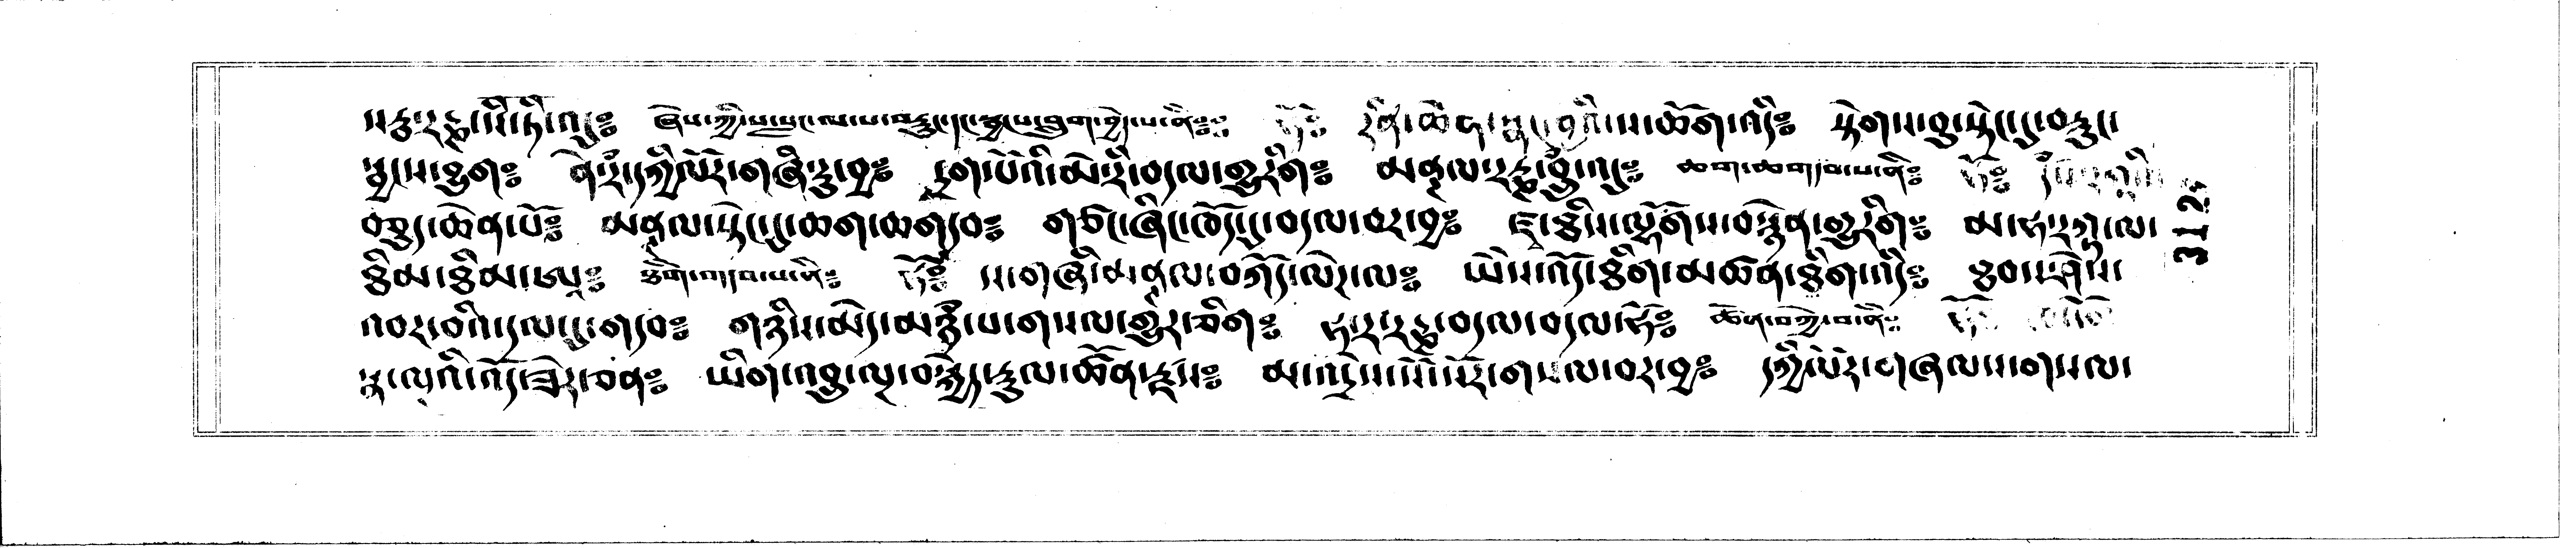སརྦ་རདྞ་སི་ཏི་འདུ༔ ཞེས་ཀྱི་ས་སླང་ལ་ས་བརྡུང་དང་སྦྱངས་བླུགས་བྱེད་པ་ནི༔༔ ཧོཿ རིན་ཆེན་སྣ་ལྔའི་ས་ཆོག་འདི༔ སྟེགས་བུ་སྟེང་དུ་བརྡུང་
སྦྱངས་བྱུག༔ ནེ་རམ་དཀྱིལ་འཁོར་གཞི་རུ་བྱ༔ དྲག་པོའི་མེ་རི་བདལ་གྱུར་ཅིག༔ མཎྜལ་རརྞ་བྲུམ་འདུ༔ ཆག་ཆག་གདབ་པ་ནི༔ ཧོ༔ དམ་རྫས་རཀྟའི་
བཅུད་ཆེན་པོ༔ མཎྜལ་སྟེང་དུ་ཆག་ཆག་གདབ༔ གཙང་ཞིང་ཁོད་དུ་བདལ་བར་བྱ༔ ཛྭ་ཐིས་ལྷ་ཕྱོགས་བསྙེན་གྱུར་ཅིག༔ མ་ཧ་རཀྟ་ལ་ཐིམ་
ཐིམ་ཨཱ༔ ཐིག་གདབ་པ་ནི༔ ཧོ༔ ས་གཞི་མཎྜལ་གཀོད་ལེགས་ལ༔ ཡེ་ཤེས་འོད་ཐིག་མཚན་ཐིག་འདི༔ ཐབས་ཤེས་
འབར་བའི་དལ་དུ་གདབ༔ གཉིས་མེད་མཉམ་པ་གསལ་གྱུར་ཅིག༔ ཧ་ར་རདྞ་བདལ་བདལ་ཧོ༔ ཚོན་བཀྱེ་བ་ནིཿ ཧོ༔ ཁ་དོག་
སྣ་ལྔའི་འོད་ཟེར་ཅན༔ ཡིག་འབྲུ་ལྔ་བསྐྱེད་རྡུལ་ཚོན་རྫས༔ མ་འདྲེས་སོ་སོར་གསལ་བར་བྱ༔ དཀྱིལ་འཁོར་གཞལ་ཡས་གསལ་